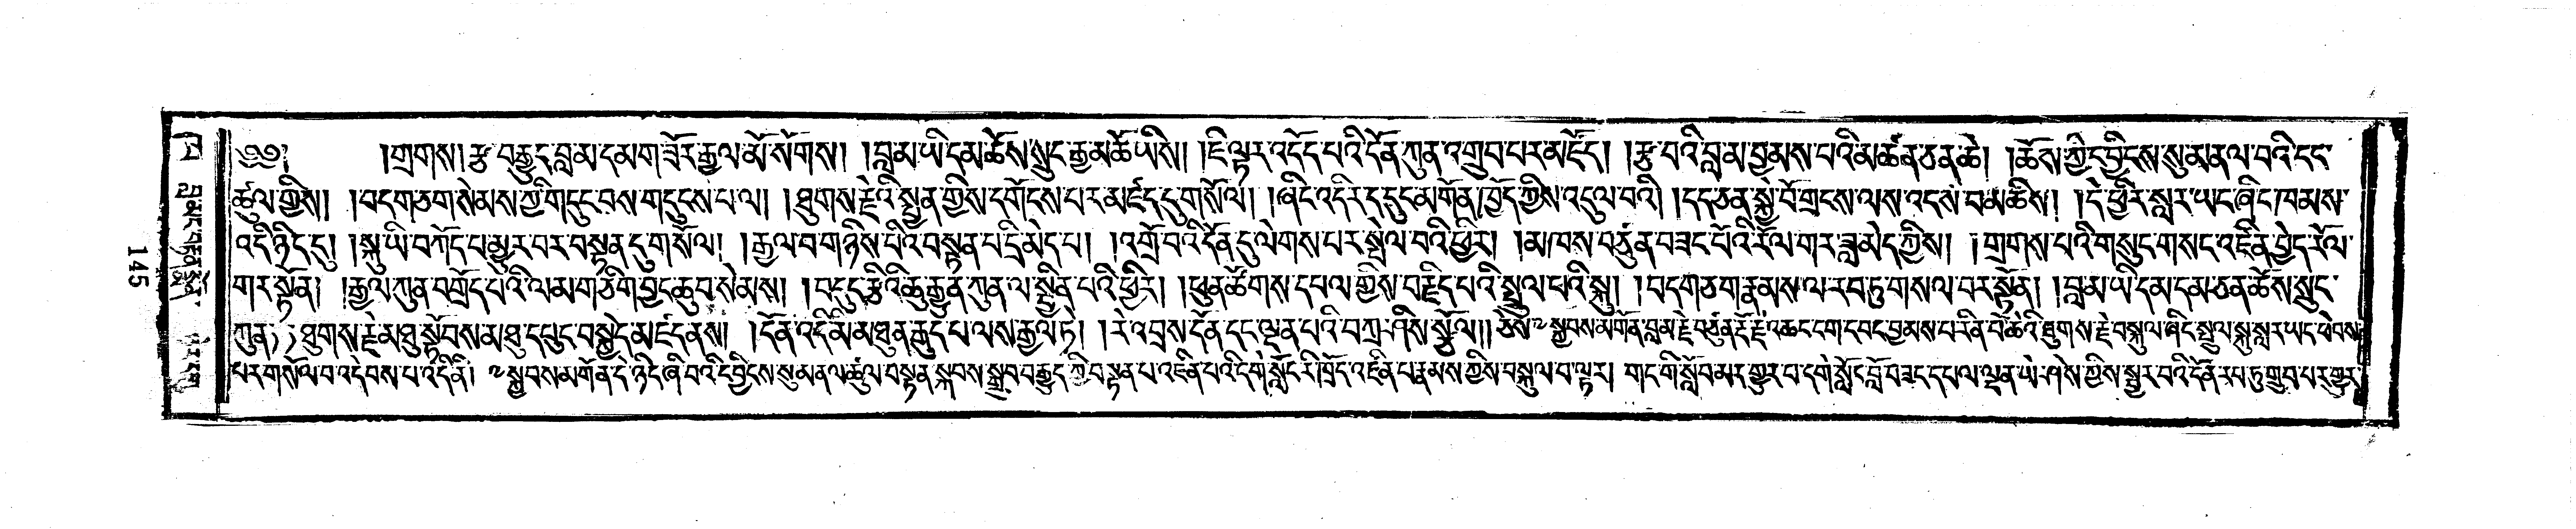༄༅། །གྲགས། རྩ་བརྒྱུད་བླ་མ་དམག་ཟོར་རྒྱལ་མོ་སོགས། །བླ་མ་ཡི་དམ་ཆོས་སྲུང་རྒྱ་མཚོ་ཡིས། །ཇི་ལྟར་འདོད་པའི་དོན་ཀུན་འགྲུབ་པར་མཛོད། །རྩ་བའི་བླ་མ་བྱམས་པའི་མཚན་ཅན་ཆེ། །ཆོས་ཀྱི་དབྱིངས་སུ་མནལ་བའི་ངང་
ཚུལ་གྱིས། །བདག་ཅག་སེམས་ཀྱི་གདུང་བས་གདུངས་པ་ལ། །ཐུགས་རྗེའི་སྤྱན་གྱིས་དགོངས་པར་མཛད་དུ་གསོལ། །ཞིང་འདིར་ད་དུང་མགོན་ཁྱོད་ཀྱིས་འདུལ་བའི། །དད་ཅན་སྐྱེ་བོ་གྲངས་ལས་འདས་བ་མཆིས། །དེ་ཕྱིར་སླར་ཡང་ཞིང་ཁམས་
འདི་ཉིད་དུ། །སྐུ་ཡི་བཀོད་པ་མྱུར་བར་བསྟན་དུ་གསོལ། །རྒྱལ་བ་གཉིས་པའི་བསྟན་པ་དྲི་མེད་པ། །འགྲོ་བའི་དོན་དུ་ལེགས་པར་སྤེལ་བའི་ཕྱིར། །མཁས་བཙུན་བཟང་པོའི་རོལ་གར་ཟླ་མེད་ཀྱིས། །གྲགས་པའི་གསུང་གསང་འཛིན་བྱེད་རོལ་
གར་སྟོན། །རྒྱལ་ཀུན་བགྲོད་པའི་ལམ་གཅིག་བྱང་ཆུབ་སེམས། །བདུད་རྩིའི་ཆུ་རྒྱུན་ཀུན་ལ་སྦྱིན་པའི་ཕྱིར། །ཕུན་ཚོགས་དཔལ་གྱིས་བརྗིད་པའི་སྤྲུལ་པའི་སྐུ། །བདག་ཅག་རྣམས་ལ་རབ་ཏུ་གསལ་བར་སྟོན། །བླ་མ་ཡི་དམ་དམ་ཅན་ཆོས་སྲུང་
ཀུན༑ ༑ཐུགས་རྗེ་མཐུ་སྟོབས་མཐུ་དཔུང་བསྐྱེད་མཛད་ནས། །དོན་འདི་མི་མཐུན་རྒུད་པ་ལས་རྒྱལ་ཏེ། །རེ་འབྲས་དོན་དང་ལྡན་པའི་བཀྲ་ཤིས་སྩོལ།། ཅེས་༧་སྐྱབས་མགོན་བླ་མ་རྗེ་བཙུན་རྡོ་རྗེ་འཆང་ངག་དབང་བྱམས་པ་རིན་པོ་ཆེའི་ཐུགས་རྗེ་བསྐུལ་ཞིང་སྤྲུལ་སྐུ་སླར་ཡང་ཕེབས་
པར་གསོལ་བ་འདེབས་པ་འདི་ནི། ༧་སྐྱབས་མགོན་དེ་ཉིད་ཞི་བའི་དབྱིངས་སུ་མནལ་ཚུལ་བསྟན་སྐབས་སྒྲུབ་བརྒྱུད་ཀྱི་བསྟན་པ་འཛིན་པའི་དགེ་སློང་རི་ཁྲོད་འཛིན་པ་རྣམས་ཀྱིས་བསྐུལ་བ་ལྟར། གང་གི་སློབ་མར་གྱུར་པ་དགེ་སློང་བློ་བཟང་དཔལ་ལྡན་ཡེ་ཤེས་ཀྱིས་སྦྱར་བའི་དོན་རབ་ཏུ་གྲུབ་པར་གྱུར་